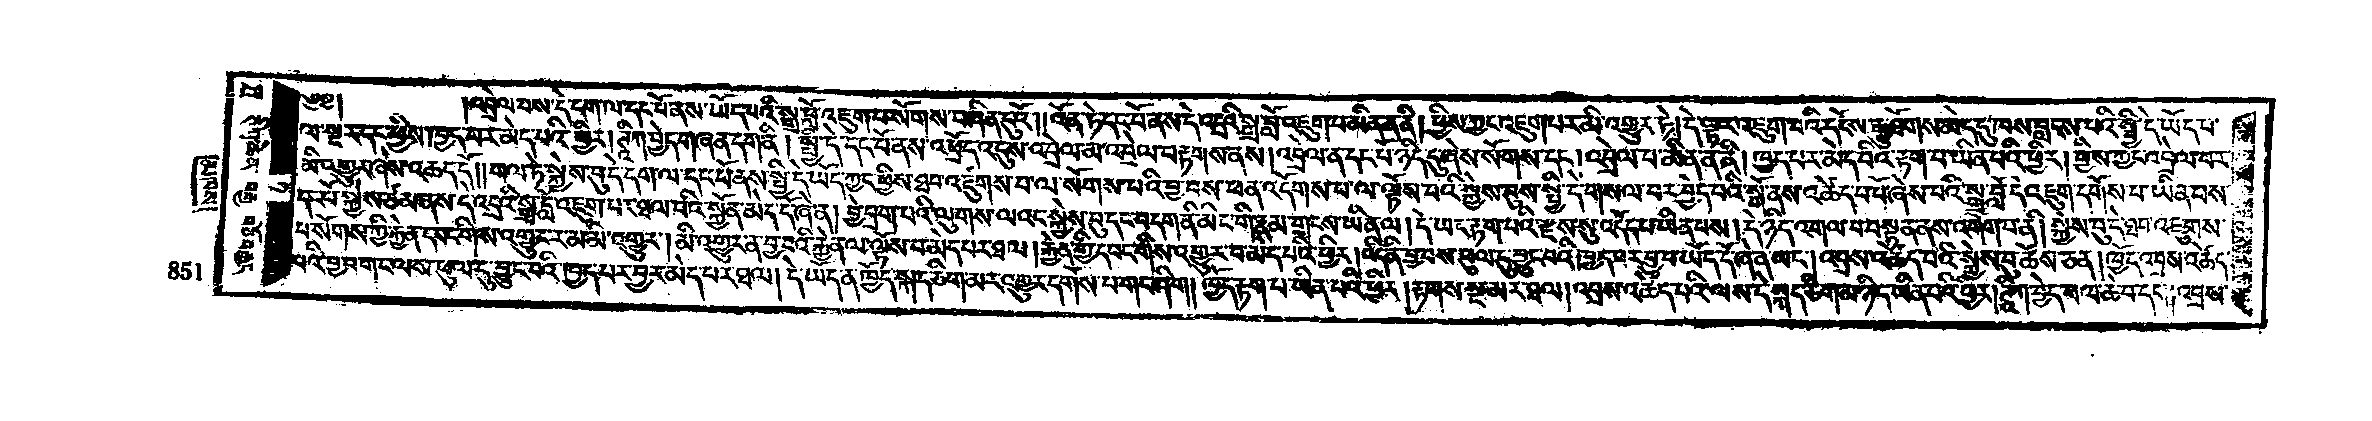༄༅། །འབྲེལ་བས་དེ་དག་ལ་དང་པོ་ནས་ཡོད་པའི་སྒྲ་བློ་འཇུག་པ་སོགས་བཞིན་དུའོ། །འོན་ཏེ་དང་པོ་ནས་དེ་འདྲའི་སྒྲ་བློ་འཇུག་པ་མིན་ན་ནི། ཕྱིས་ཀྱང་འཇུག་པར་མི་འགྱུར་ཏེ། དེ་ལྟར་འཇུག་པའི་དངོས་རྒྱུ་ཐོགས་མེད་དུ་ཁས་བླངས་པའི་སྤྱི་དེ་ཡོད་པ་
ལ་སྔར་དང་ཕྱིས་ཁྱད་པར་མེད་པའི་ཕྱིར། ཊཱིཀ་བྱེད་གཞན་དག་ནི། སྤྱི་དེ་དང་པོ་ནས་འཕྲོད་འདུས་འབྲེལ་མ་འབྲེལ་བརྟགས་ནས། འབྲེལ་ན་དང་པོ་ཉིད་དུ་ཞེས་སོགས་དང་། འབྲེལ་བ་མིན་ན་ནི། ཁྱད་པར་མེད་པའི་རྟག་པ་ཡིན་པའི་ཕྱིར། ཕྱིས་ཀྱང་འབྲེལ་བར་
མི་འགྱུར་ཞེས་འཆད་དོ། །གལ་ཏེ་སྐྱེས་བུ་དེ་དག་ལ་དང་པོ་ནས་སྤྱི་དེ་ཡོད་ཀྱང་ཕྱིས་ཐབ་འཛུགས་པ་ལ་སོགས་པའི་བྱ་བས་ཕན་འདོགས་པ་ལ་ལྟོས་པའི་སྐྱེས་བུས་སྤྱི་དེ་གསལ་བར་བྱེད་པའི་སྒོ་ནས་འཚེད་པ་པོ་ཞེས་པའི་སྒྲ་བློ་དེ་འཇུག་དགོས་པ་ཡིན་པས་
དང་པོ་སྐྱེས་ཙམ་ནས་དེ་འདྲའི་སྒྲ་བློ་འཇུག་པར་ཐལ་བའི་སྐྱོན་མེད་དོ་ཞེ་ན། བྱེ་བྲག་པའི་ལུགས་ལའང་སྐྱེས་བུ་དང་བདག་ནི་མིང་གི་རྣམ་གྲངས་ཡིན་ལ། དེ་ཡང་རྟག་པའི་རྫས་སུ་འདོད་པ་ཡིན་པས། དེ་ཉིད་འགལ་བ་བསྟན་ནས་འགོག་པ་ནི། སྐྱེས་བུ་དེ་ཐབ་འཇུགས་
པ་སོགས་ཀྱི་རྐྱེན་དབང་གིས་འགྱུར་རམ་མི་འགྱུར། མི་འགྱུར་ན་བྱ་བའི་རྐྱེན་ལ་ལྟོས་པ་མེད་པར་ཐལ། རྐྱེན་གྱི་དབང་གིས་འགྱུར་བ་མེད་པའི་ཕྱིར། འདི་ནི་བྱ་བས་ཕུལ་དུ་བྱུང་བའི་ཁྱད་པར་བྱ་བ་ཡོད་དོ་ཞེ་ན་ཡང་། འབྲས་འཚེད་པའི་སྐྱེས་བུ་ཆོས་ཅན། ཁྱོད་འབྲས་འཚེད་
པའི་བྱ་བ་གང་ལས་ཕུལ་དུ་བྱུང་བའི་ཁྱད་པར་བྱར་མེད་པར་ཐལ། དེ་ཡོད་ན་ཁྱོད་སྐད་ཅིག་མར་འགྱུར་དགོས་པ་གང་ཞིག །ཁྱོད་རྟག་པ་ཡིན་པའི་ཕྱིར། རྟགས་སྔ་མར་ཐལ། འབྲས་འཚེད་པའི་ལས་དེ་སྐད་ཅིག་མ་ཉིད་ཡིན་པའི་ཕྱིར། ཊཱིཀ་བྱེད་ཕལ་ཆེ་བ་དང་། འབྲས་